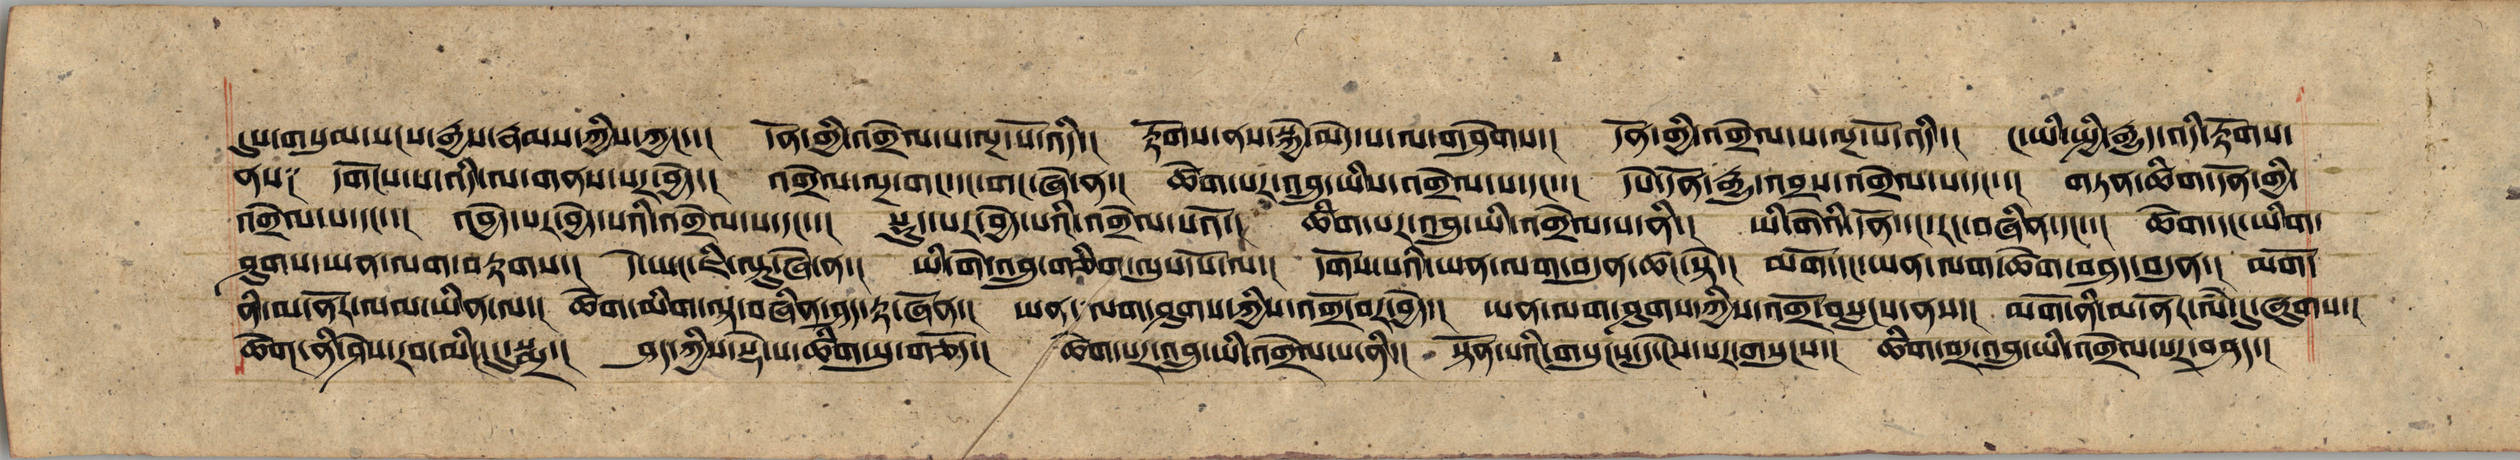དུས་གསུམ་སངས་རྒྱས་རྣམས་ཀྱིས་ཀྱང་་། དོན་གྱི་འགྲེལ་པ་ལྔ་པོ་འདི་། རྟོགས་ནས་སྐྱེ་མེད་པ་ལ་གཤེགས་། དོན་གྱི་འགྲེལ་པ་ལྔ་པོ་འདི་། ང་ཡི་སྤྱི་རྒྱུད་འདི་རྟོགས་
ནས༑ དགོངས་པ་འདི་ལ་གནས་པར་བྱེད་། འགྲེལ་ལྔ་གང་དང་གང་ཞེ་ན་། ཚེག་པར་འབྲུ་ཡིས་འགྲེལ་པ་དང་་། དཔེ་དོན་རྒྱུ་འབྲས་འགྲེལ་པ་དང་་། གཏན་ཚིག་དོན་གྱི་
འགྲེལ་པ་དང་་། འབྱེད་པར་བྱེད་པའི་འགྲེལ་པ་དང་་། སྡུད་པར་བྱེད་པའི་འགྲེལ་པའོ་། ཚིག་པར་འབྲུ་ཡི་འགྲེལ་པ་ནི་། ཡི་གེའི་དོན་དང་རང་བཞིན་དང་་། ཚེག་དང་ཡིག་
ཤུགས་ཡན་ལག་བརྟགས་། དེ་ཡང་ཇི་ལྟུ་ཞེ་ན་། ཡི་གེ་འབྲུ་གཅིག་ལུས་པོ་ལ་། དགོས་པའི་ཡན་ལག་བདུན་ཚང་སྟེ་། མགོ་་དང་ཡན་ལག་ཚེག་བཤད་བདུན་། མགོ་
ནི་མ་ནོར་ལམ་ཡིན་ལ་། ཚེག་མིག་ལྟ་བཞིན་ཤད་རྟ་ཞོན་། ཡན་ལག་ཤུགས་ཀྱིས་འགྲོ་བར་བྱེད་། ཡན་ལག་ཤུགས་ཀྱིས་འགྲོ་བསླངས་ནས་། མགོ་ནི་མ་ནོར་ལཾ་དུ་ཞུགས་།
ཚེག་ནི་ཤེས་རབ་མིང་དུ་སྨྲ་། ཤད་ཀྱིས་སྡེ་པ་ཚིག་སུ་གཅོད་། ཚེག་པར་འབྲུ་ཡི་འགྲེལ་པ་ནི་། སྟོན་པའི་གསུངས་དུ་ངེས་པར་གསུངས་། ཚིག་བར་འབྲུ་ཡི་འགྲེལ་པར་བཤད་།